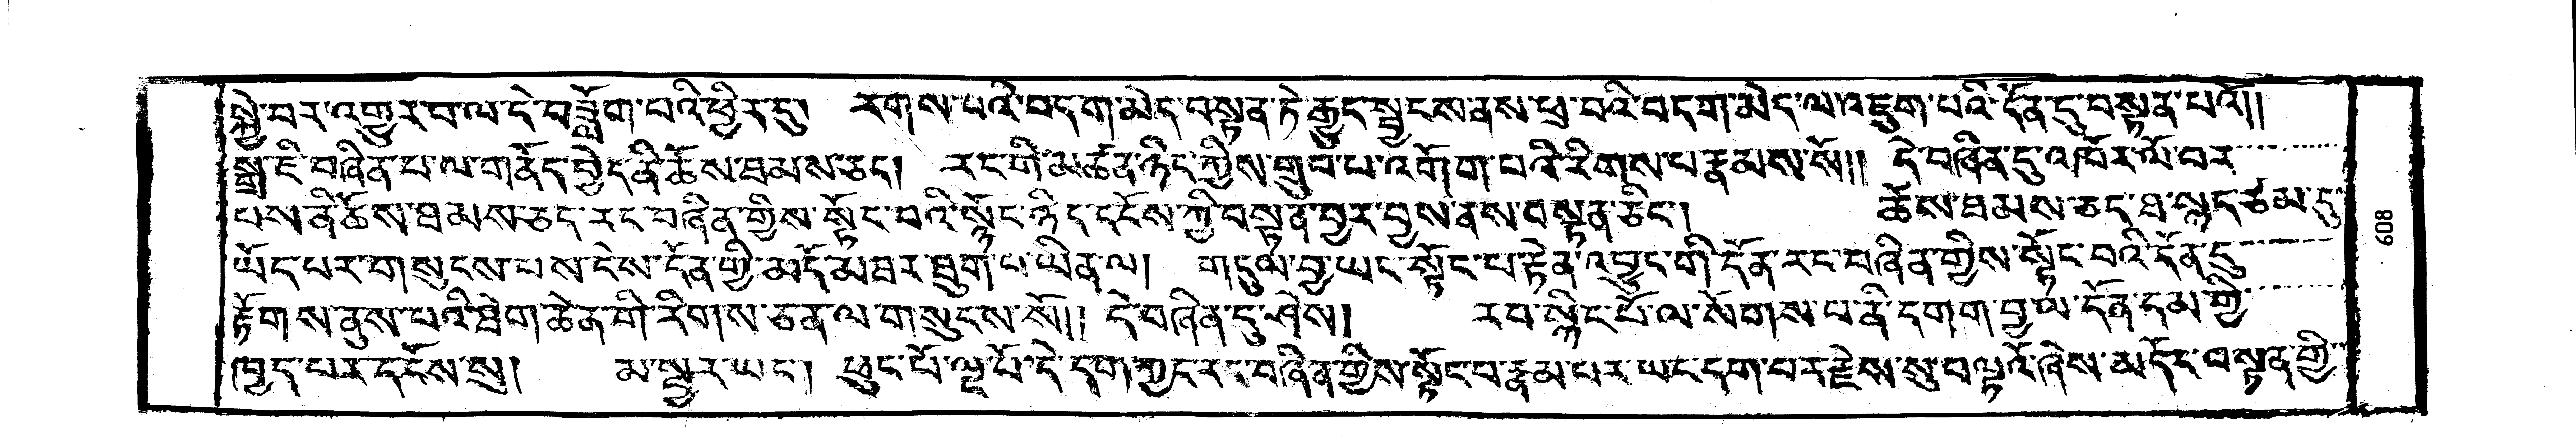སྐྱེ་བར་འགྱུར་བ་ལ་དེ་བཟློག་པའི་ཕྱིར་དུ། རགས་པའི་བདག་མེད་བསྟན་ཏེ་རྒྱུད་སྦྱངས་ནས་ཕྲ་བའི་བདག་མེད་ལ་འཇུག་པའི་དོན་དུ་བསྟན་པའོ། །
སྒྲ་ཇི་བཞིན་པ་ལ་གནོད་བྱེད་ནི་ཆོས་ཐམས་ཅད། རང་གི་མཚན་ཉིད་ཀྱིས་གྲུབ་པ་འགོག་པའི་རིགས་པ་རྣམས་སོ། །དེ་བཞིན་དུ་འཁོར་ལོ་བར་
པས་ནི་ཆོས་ཐམས་ཅད་རང་བཞིན་གྱིས་སྟོང་བའི་སྟོང་ཉིད་དངོས་ཀྱི་བསྟན་བྱར་བྱས་ནས་བསྟན་ཅིང་། ཆོས་ཐམས་ཅད་ཐ་སྙད་ཙམ་དུ་
ཡོད་པར་གསུངས་པས་ངེས་དོན་གྱི་མདོ་མཐར་ཐུག་པ་ཡིན་ལ། གདུལ་བྱ་ཡང་སྟོང་པ་རྟེན་འབྱུང་གི་དོན་རང་བཞིན་གྱིས་སྟོང་བའི་དོན་དུ་
རྟོགས་ནུས་པའི་ཐེག་ཆེན་གྱི་རིགས་ཅན་ལ་གསུངས་སོ། །དེ་བཞིན་དུ་ཤེས། རབ་སྙིང་པོ་ལ་སོགས་པ་ནི་དགག་བྱ་ལ་དོན་དམ་གྱི་
ཁྱད་པར་དངོས་སུ། མ་སྦྱར་ཡང་། ཕུང་པོ་ལྔ་པོ་དེ་དག་ཀྱང་རང་བཞིན་གྱིས་སྟོང་པ་རྣམ་པར་ཡང་དག་པར་རྗེས་སུ་བལྟའོ་ཞེས་མདོར་བསྟན་གྱི་